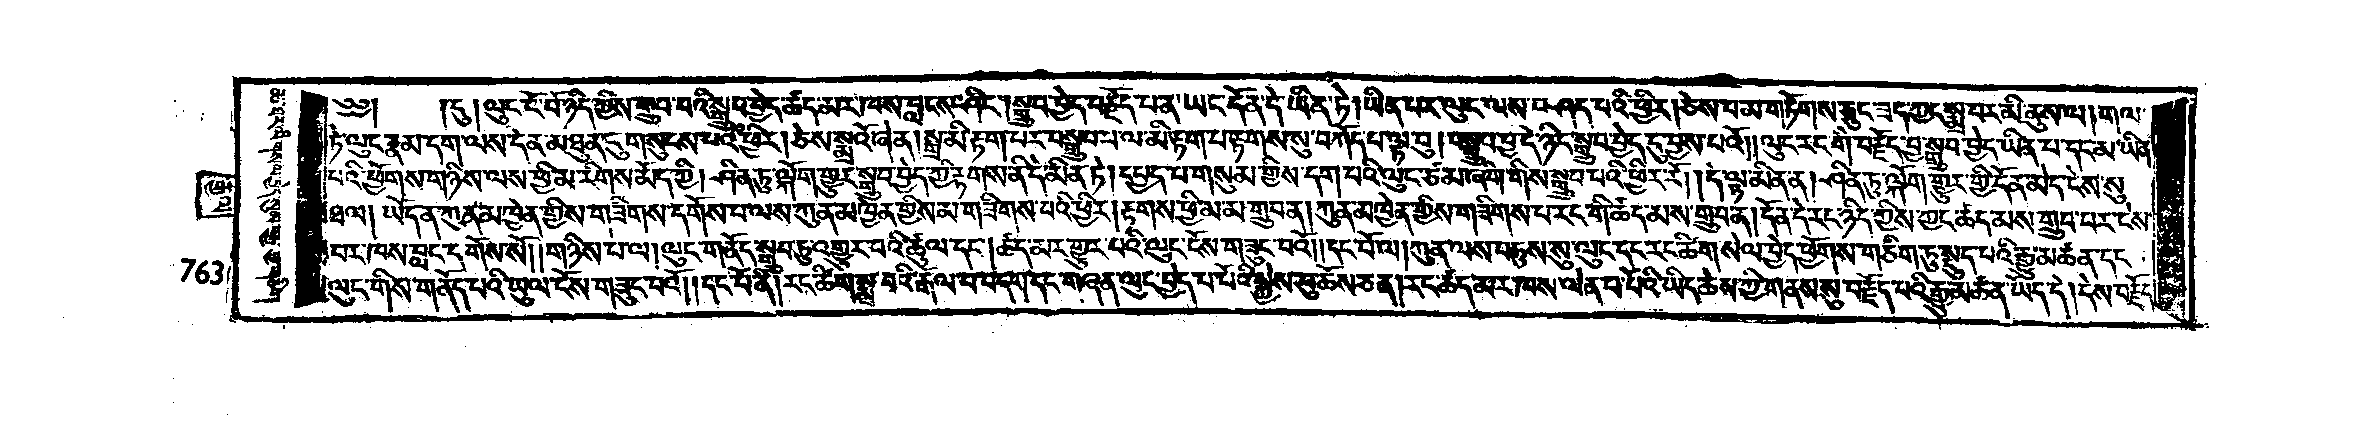༄༅། །དུ། ལུང་ངོ་བོ་ཉིད་ཀྱིས་གྲུབ་པའི་སྒྲུབ་བྱེད་ཚད་མར་ཁས་བླངས་ཤིང་། སྒྲུབ་བྱེད་བརྗོད་པ་ན་ཡང་དོན་དེ་ཡིན་ཏེ། ཡིན་པར་ལུང་ལས་བཤད་པའི་ཕྱིར། ཅེས་པ་མ་གཏོགས་ཅུང་ཟད་ཀྱང་སྨྲ་བར་མི་ནུས་ལ། གལ་
ཏེ་ལུང་རྣམ་དག་ལས་དོན་མཐུན་དུ་གསུངས་པའི་ཕྱིར། ཅེས་སྨྲའོ་ཞེ་ན། སྒྲ་མི་རྟག་པར་བསྒྲུབ་པ་ལ་མི་རྟག་པ་རྟགས་སུ་བཀོད་པ་ལྟ་བུ། བསྒྲུབ་བྱ་དེ་ཉིད་སྒྲུབ་བྱེད་དུ་བྱས་པའོ། །ལུང་རང་གི་བརྗོད་བྱ་སྒྲུབ་བྱེད་ཡིན་པ་དང་མ་ཡིན་
ཕ༹པའི་ཕྱོགས་གཉིས་ལས་ཕྱི་མ་རིགས་མོད་ཀྱི། ཤིན་ཏུ་ལྐོག་གྱུར་སྒྲུབ་བྱེད་ཀྱི་རྟགས་ནི་དེ་མིན་ཏེ། དཔྱད་པ་གསུམ་གྱིས་དག་པའི་ལུང་ཙམ་ཞིག་གིས་སྒྲུབ་པའི་ཕྱིར་རོ། །དེ་ལྟ་མིན་ན། ཤིན་ཏུ་ལྐོག་གྱུར་གྱི་དོན་མེད་ངེས་སུ་
ཐལ། ཡོད་ན་ཀུན་མཁྱེན་གྱིས་གཟིགས་དགོས་པ་ལས་ཀུན་མཁྱེན་གྱིས་མ་གཟིགས་པའི་ཕྱིར། རྟགས་ཕྱི་མ་མ་གྲུབ་ན། ཀུན་མཁྱེན་གྱིས་གཟིགས་པ་རང་གི་ཚད་མས་གྲུབ་ན། དོན་དེ་རང་ཉིད་ཀྱིས་ཀྱང་ཚད་མས་གྲུབ་པར་ངེས་
པར་ཁས་བླང་དགོས་སོ། །གཉིས་པ་ལ། ལུང་གནོད་སྒྲུབ་ཏུ་འགྱུར་བའི་ཚུལ་དང་། ཚད་མར་གྱུར་པའི་ལུང་ངོས་གཟུང་བའོ། །དང་པོ་ལ། ཀུན་ལས་བཏུས་སུ་ལུང་དང་རང་ཚིག་སེལ་བྱེད་ཕྱོགས་གཅིག་ཏུ་སྡུད་པའི་རྒྱུ་མཚན་དང་
ལུང་གིས་གནོད་པའི་ཡུལ་ངོས་གཟུང་བའོ། །དང་པོ་ནི། རང་ཚིག་སྨབའི་རྒོལ་བ་བདག་དང་གཞན་ལུང་བྱེད་པ་པོའི་སྐྱེས་བུ་ཆོས་ཅན། རང་ཚད་མར་ཁས་ལེན་པ་པོའི་ཡིད་ཆེས་ཀྱི་གནས་སུ་བརྗོད་པའི་རྒྱུ་མཚན་ཡོད་དེ། དེས་བརྗོད་